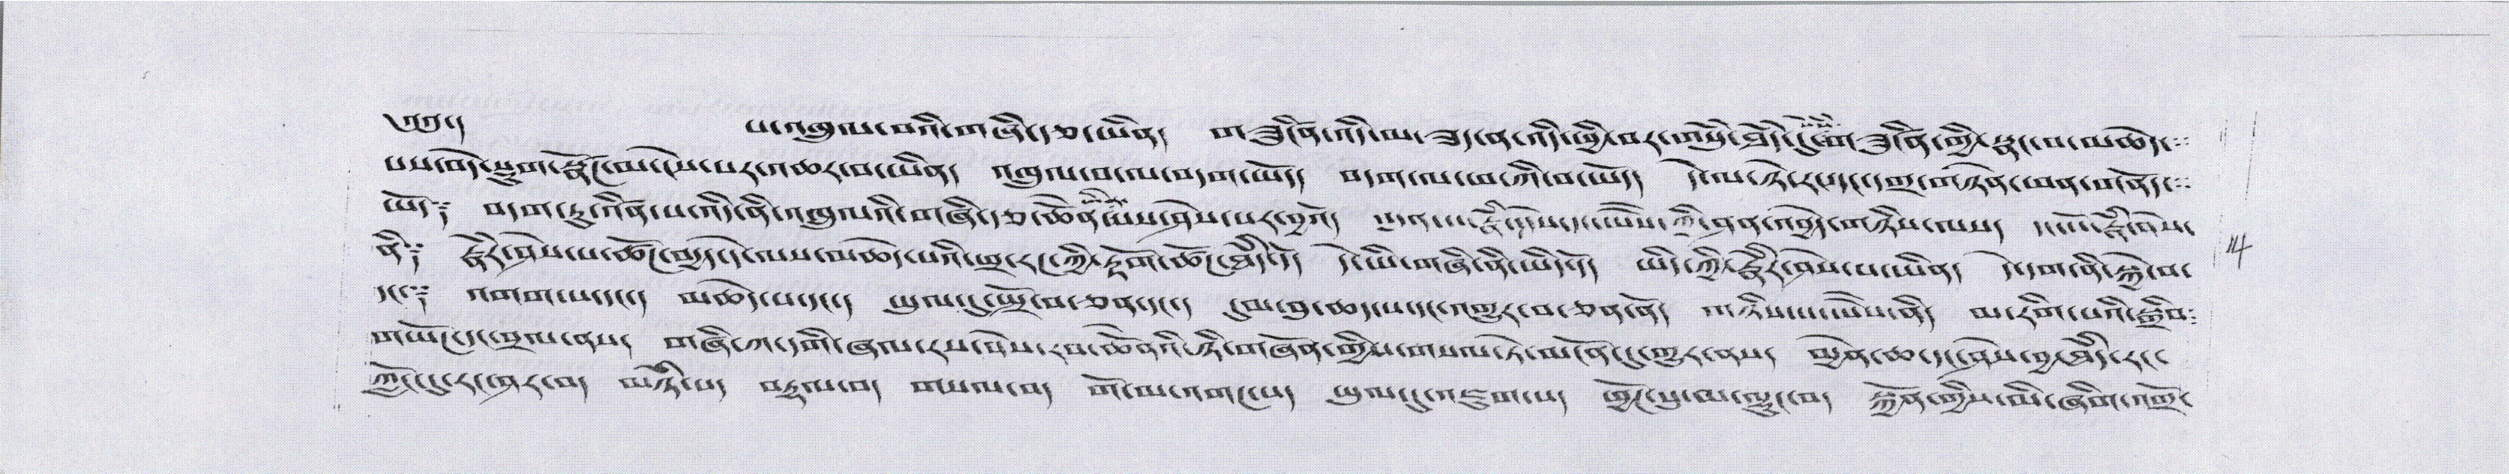པ་འཁྲུལ་བའི་གཞི་རྩ་ཡིན། གཟུང་འཛིན་འདི་མ་ཟད་ན་འདི་ཕྱི་བར་གསུམ་ཐམས་ཅད་དུ་སེམས་གཟུང་འཛིན་གྱི་སྣང་བ་མཆེད་
པས་བདེ་སྡུག་སྣ་ཚོགས་མ་ངེས་པར་འཆར་བ་ཡིན། འཁྲུལ་བ་ལ་བདག་ཡོད། བདག་ལ་ཕ་ཀི་བ་ཡོད། དེ་ལ་ཉེ་རང་དང་དགྲ་གཉེན་ཕན་གནོད་
ཡོད། བདག་ཏུ་འཛིན་པ་འདི་ནི་འཁྲུལ་པའི་གཞི་རྩ་ཆེན་པོ་ཡིན་པས་ཤེས་པར་བྱའོ། མུན་པ་རྣམ་ཤེས་དང་ཡེ་ཤེས་ཀྱི་ཤན་འབྱེད་གཉིས་ལས། དང་པོ་རྣམ་ཤེས་
ནི། རྣམ་པར་ཤེས་པ་ཚོགས་བརྒྱད་དེ་ལས་མཆེད་པའི་ཕྲ་རགས་ཀྱི་རྟོག་ཚོགས་ཐམས་ཅད་དོ། དེ་ཡི་གཞི་ནི་ཡིད་དོ། ཡིད་ཀྱི་རྣམ་པར་ཤེས་པ་ཡིན། དེ་དག་ནི་སྐྱེ་བ་
དང། འགག་པ་དང། མཆེད་པ་དང། ཡུལ་དུ་སྤྲོ་བ་ཅན་དང། དུམ་བུ་ཆད་པ་དང་འགྱུར་བ་ཅན་ནོ། གཉིས་པ་ཡེ་ཤེས་ནི། མ་རིག་པའི་སྒྲིབ་
གཡོགས་དང་བྲལ་ནས། གཞི་ཀ་དག་གི་ཞལ་རས་ཤེས་རབ་ཆེན་པོའི་ཉི་གཞོན་གྱིས་གསལ་ཏེ་མངོན་དུ་གྱུར་ནས། མཁྱེན་ཆ་དང་ཤེས་བྱ་ཐམས་ཅད་རང་
ཀློང་དུ་རང་ཤར་བ། མཉམ་པ། བརྡལ་བ། གསལ་བ། གོ་མ་འགགས་པ། ཡུལ་དུ་འཇུག་པ། ཕྱོགས་སུ་མ་ལྷུང་བ། སྐྱོན་གྱིས་མི་ཞིག་འགྲོ་